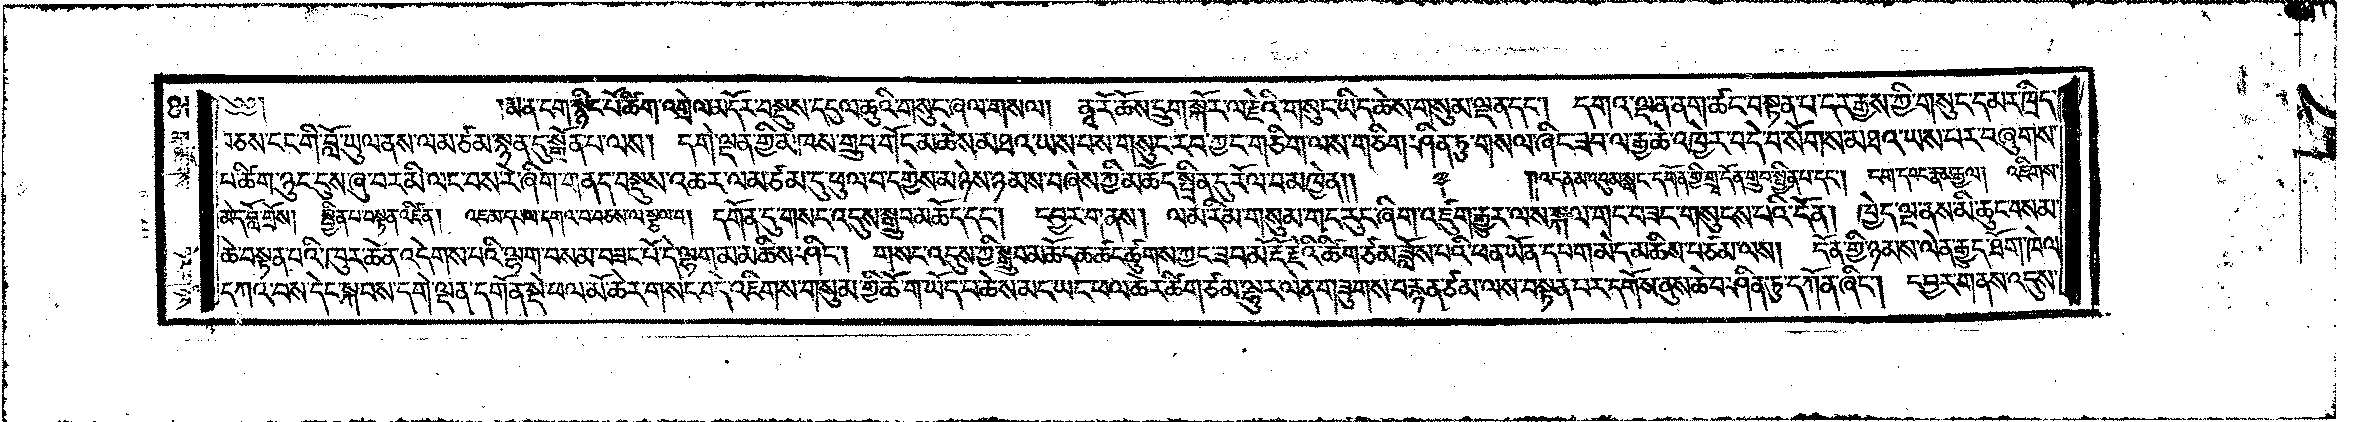༄༅། །མན་ངག་སྙིང་པོ་ཚིག་འགྲེལ་མདོར་བསྡུས་དངུལ་ཆུའི་གསུང་ཞལ་གསལ། ནཱ་རོ་ཆོས་དྲུག་སྐོར་ལ་རྗེའི་གསུང་ཡིད་ཆེས་གསུམ་ལྡན་དང་། དགའ་ལྡན་ནག་ཚང་བསྟན་པ་དར་རྒྱས་ཀྱི་གསུང་དམར་ཁྲིད་
བཅས་ངང་གི་བློ་ཡུལ་ནས་ལམ་ཙམ་སྙན་དུ་སྒྲོན་པ་ལས། དགེ་ལྡན་གྱི་མཁས་གྲུབ་གོང་མ་ཆེས་མཐའ་ཡས་བས་གསུང་རབ་ཀྱང་གཅིག་ལས་གཅིག་ཤིན་ཏུ་གསལ་ཞིང་ཟབ་ལ་རྒྱ་ཆེ་འཁྱེར་བདེ་བ་སོགས་མཐའ་ཡས་པར་བཞུགས་
པ་ཚིག་ཉུང་དུས་ཞུ་བར་མི་ལང་བས་རེ་ཞིག་གནད་བསྡུས་འཆར་ལམ་ཙམ་དུ་ཕུལ་བ་དགྱེས་མཉེས་ཉམས་བཞེས་ཀྱི་མཆོད་སྤྲིན་དུ་རོལ་བ་མཁྱེན།། ༈ །།འདན་མ་འབུམ་སྒང་དགོན་གྱི་གྲྭ་དོན་གྲུབ་སྦྱིན་པ་དང་། ངག་དབང་རྣམ་རྒྱལ། འཇིགས་
མེད་བློ་གྲོས། སྦྱིན་པ་བསྟན་འཛིན། འཇམ་དཔལ་དགའ་བ་བཅས་ལ་སྩལ་བ། དགོན་དུ་གསང་འདུས་སྒྲུབ་མཆོད་དང་། དབྱར་གནས། ལམ་རིམ་གསུམ་གང་རུང་ཞིག་འཛུག་རྒྱུར་ལས་སྐལ་གང་བཟང་གསུངས་པའི་དོན། ཁྱེད་ལྔ་ནས་མི་ཆུང་བསམ་
ཆེ་བསྟན་པའི་ཁུར་ཆེན་འདེགས་པའི་ལྷག་བསམ་བཟང་པོ་དེ་ལྷག་མ་མཆིས་ཤིང་། གསང་འདུས་ཀྱི་སྒྲུབ་མཆོད་ཆ་ཚང་ཚུགས་ཀྱང་ཟབ་མོ་རྡོ་རྗེའི་ཚིག་ཙམ་ཟློས་པའི་ཕན་ཡོན་དཔག་མེད་མཆིས་པ་ཙམ་ལས། དོན་གྱི་ཉམས་ལེན་རྒྱུད་ཐོག་ཁེལ་
དཀའ་བས་དེང་སྐབས་དགེ་ལྡན་དགོན་སྡེ་ཕལ་མོ་ཆེར་གསང་བདེ་འཇིགས་གསུམ་གྱི་ཆོ་གཡོད་པ་ཆེས་མང་ཡང་ཕལ་ཆེར་ཚིག་ཙམ་ལྷུར་ལེན་གཟུགས་བརྙན་ཙམ་ལས་བསྟན་པར་དགོས་ནུས་ཆེ་བ་ཤིན་ཏུ་དཀོན་ཞིང་། དབྱར་གནས་འདུས་